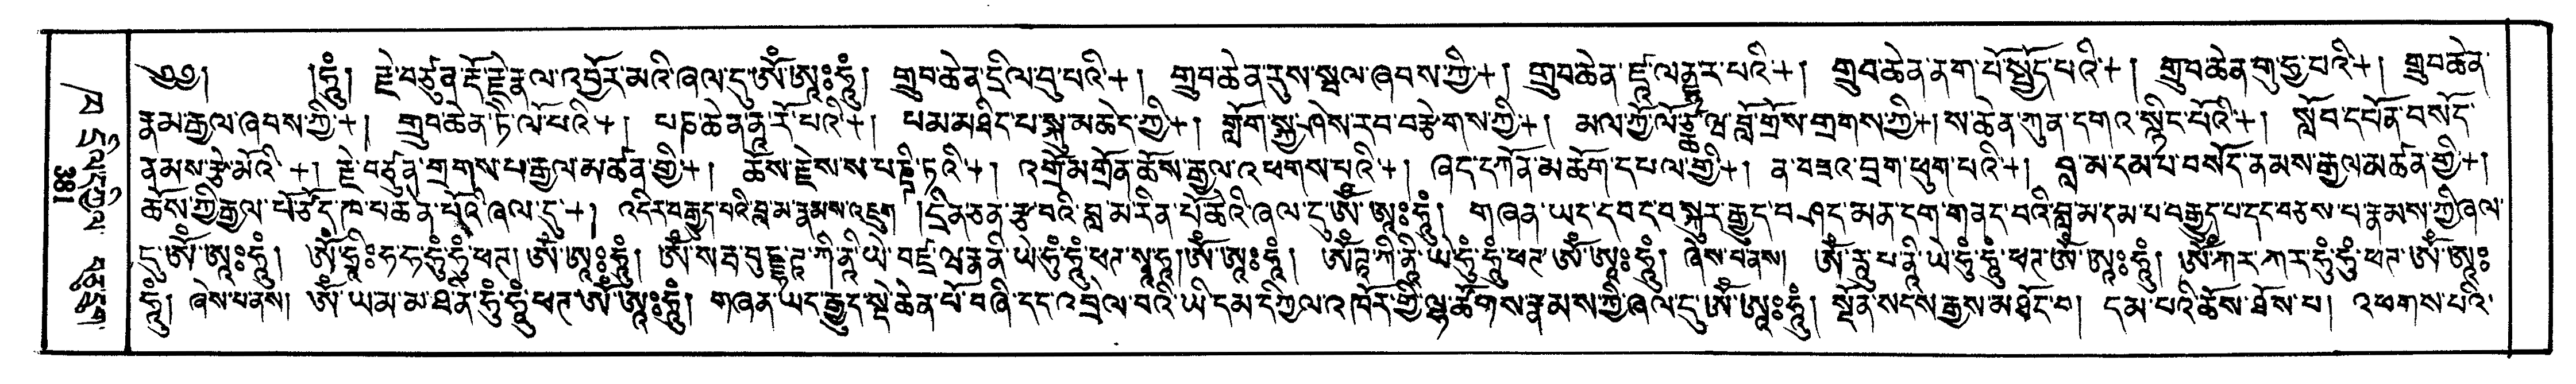༄༅། །ཧཱུཾ། རྗེ་བཙུན་རྡོ་རྗེ་རྣལ་འབྱོར་མའི་ཞལ་དུ་ཨོཾ་ཨཱཿ ཧཱུཾ། གྲུབ་ཆེན་དྲིལ་བུ་པའི། གྲུབ་ཆེན་རུས་སྤལ་ཞབས་ཀྱི། གྲུབ་ཆེན་ཛཱ་ལནྡྷ་ར་པའི། གྲུབ་ཆེན་ནག་པོ་སྤྱོད་པའི། གྲུབ་ཆེན་གུ་ཧྱ་པའི། གྲུབ་ཆེན་
རྣམ་རྒྱལ་ཞབས་ཀྱི། གྲུབ་ཆེན་ཏཻ་ལོ་པའི། པཎ་ཆེན་ནཱ་རོ་པའི། པམ་མཐིང་པ་སྐུ་མཆེད་ཀྱི། གློག་སྐྱ་ཤེས་རབ་བརྩེགས་ཀྱི། མལ་ཀྱོ་ལོཙྪ་ཝ་བློ་གྲོས་གྲགས་ཀྱི། ས་ཆེན་ཀུན་དགའ་སྙིང་པོའི། སློབ་དཔོན་བསོད་
ནམས་རྩེ་མོའི། རྗེ་བཙུན་གྲགས་པ་རྒྱལ་མཚན་གྱི། ཆོས་རྗེས་སྐྱ་པཎྜི་ཏའི། འགྲོ་མགོན་ཆོས་རྒྱལ་འཕགས་པའི། ཞང་དཀོན་མཆོག་དཔལ་གྱི། ན་བཟའ་བྲག་ཕུག་པའི། བླ་མ་དམ་པ་བསོད་ནམས་རྒྱལ་མཚན་གྱི།
ཆོས་ཀྱི་རྒྱལ་པོ་ཙོང་ཁ་པ་ཆེན་པོའི་ཞལ་དུ། འདིར་བརྒྱུད་པའི་བླ་མ་རྣམས་འཇུག། དྲིན་ཅན་རྩ་བའི་བླ་མ་རིན་པོ་ཆེའི་ཞལ་དུ་ཨོཾ་ཨཱཿ ཧཱུཾ། གཞན་ཡང་དབང་བསྐུར་རྒྱུད་བཤད་མན་ངག་གནང་བའི་བླ་མ་དམ་པ་བརྒྱུད་པ་དང་བཅས་པ་རྣམས་ཀྱི་ཞལ་
དུ་ཨོཾ་ཨཱཿ ཧཱུཾ། ཨོཾ་ཧྲཱིཿ ཧ་ཧ་ཧུཾ་ཧཱུཾ་ཕཊ། ཨོཾ་ཨཱཿ ཧཱུཾ། ཨོཾ་སརྦ་བུདྡྷ་ཌཱ་ཀི་ནཱི་ཡེ་བཛྲ་ཝརྞ་ནི་ཡེ་ཧུཾ་ཧཱུཾ་ཕཊ་སྭཱ་ཧཱ། ཨོཾ་ཨཱཿ ཧཱུཾ། ཨོཾ་ཌཱ་ཀི་ནཱི་ཡེ་ཧུཾ་ཧཱུཾ་ཕཊ་ཨོཾ་ཨཱཿ ཧཱུཾ། ཞེས་བ་ནས། ཨོཾ་རཱུ་པི་ནཱི་ཡེ་ཧུཾ་ཧཱུཾ་ཕཊ་ཨོཾ་ཨཱཿ ཧཱུཾ། ཨོཾ་ཀ་ར་ཀ་ར་ཧུཾ་ཧུཾ་ཕཊ་ཨོཾ་ཨཱཿ
ཧཱུཾ། ཞེས་པ་ནས། ཨོཾ་ཡ་མ་མ་ཐ་ནཱི་ཧུཾ་ཧཱུཾ་ཕཊ་ཨོཾ་ཨཱཿ ཧཱུཾ། གཞན་ཡང་རྒྱུད་སྡེ་ཆེན་པོ་བཞི་དང་འབྲེལ་བའི་ཡི་དམ་དཀྱིལ་འཁོར་གྱི་ལྷ་ཚོགས་རྣམས་ཀྱི་ཞལ་དུ་ཨོཾ་ཨཱཿ ཧཱུཾ། སྔོན་སངས་རྒྱས་མཐོང་བ། དམ་པའི་ཆོས་ཐོས་པ། འཕགས་པའི་